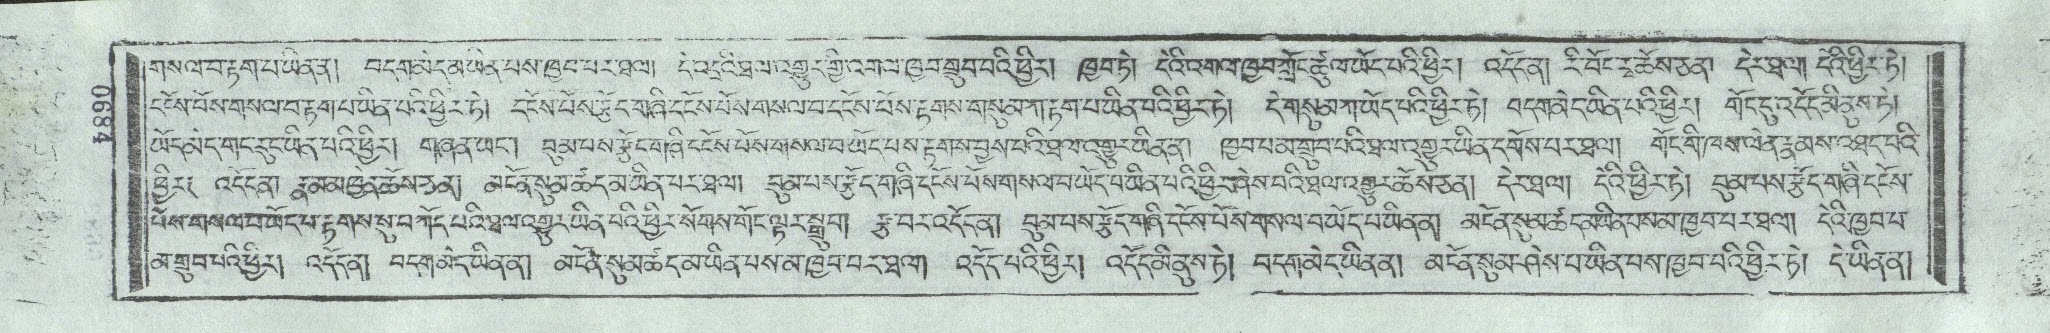གསལ་བ་རྟག་པ་ཡིན་ན། བདག་མེད་མ་ཡིན་པས་ཁྱབ་པར་ཐལ། དེ་འདྲའི་ཐལ་འགྱུར་གྱི་འགལ་ཁྱབ་གྲུབ་པའི་ཕྱིར། ཁྱབ་ཏེ། དེའི་འགལ་ཁྱབ་ཀློང་ཚུལ་ཡོད་པའི་ཕྱིར། འདོད་ན། རི་བོང་རྭ་ཆོས་ཅན། དེར་ཐལ། དེའི་ཕྱིར་ཏེ།
དངོས་པོས་གསལ་བ་རྟག་པ་ཡིན་པའི་ཕྱིར་ཏེ། དངོས་པོས་རྩོད་གཞི་དངོས་པོས་གསལ་བ་དངོས་པོས་རྟགས་གསུམ་ཀ་རྟག་པ་ཡིན་པའི་ཕྱིར་ཏེ། དེ་གསུམ་ཀ་ཡོད་པའི་ཕྱིར་ཏེ། བདག་མེད་ཡིན་པའི་ཕྱིར། གོང་དུ་འདོད་མི་ནུས་ཏེ།
ཡོད་མེད་གང་རུང་ཡིན་པའི་ཕྱིར། གཞན་ཡང་། བུམ་པས་རྩོད་གཞི་དངོས་པོས་གསལ་བ་ཡོད་པས་རྟགས་བྱས་པའི་ཐལ་འགྱུར་ཡིན་ན། ཁྱབ་པ་མ་གྲུབ་པའི་ཐལ་འགྱུར་ཡིན་དགོས་པར་ཐལ། གོང་གི་ཁས་ལེན་རྣམས་འཐད་པའི་
ཕྱིར༑ འདོད་ན། རྣམ་མཁྱེན་ཆོས་ཅན། མངོན་སུམ་ཚད་མ་ཡིན་པར་ཐལ། བུམ་པས་རྩོད་གཞི་དངོས་པོས་གསལ་བ་ཡོད་པ་ཡིན་པའི་ཕྱིར་ཞེས་པའི་ཐལ་འགྱུར་ཆོས་ཅན། དེར་ཐལ། དེའི་ཕྱིར་ཏེ། བུམ་པས་རྩོད་གཞི་དངོས་
པོས་གསལ་བ་ཡོད་པ་རྟགས་སུ་བཀོད་པའི་ཐལ་འགྱུར་ཡིན་པའི་ཕྱིར་སོགས་གོང་ལྟར་སྒྲུབ། རྩ་བར་འདོད་ན། བུམ་པས་རྩོད་གཞི་དངོས་པོས་གསལ་བ་ཡོད་པ་ཡིན་ན། མངོན་སུམ་ཚད་མ་ཡིན་པས་མ་ཁྱབ་པར་ཐལ། དེའི་ཁྱབ་པ་
མ་གྲུབ་པའི་ཕྱིར། འདོད་ན། བདག་མེད་ཡིན་ན། མངོན་སུམ་ཚད་མ་ཡིན་པས་མ་ཁྱབ་པར་ཐལ། འདོད་པའི་ཕྱིར། འདོད་མི་ནུས་ཏེ། བདག་མེད་ཡིན་ན། མངོན་སུམ་ཤེས་པ་ཡིན་པས་ཁྱབ་པའི་ཕྱིར་ཏེ། དེ་ཡིན་ན།